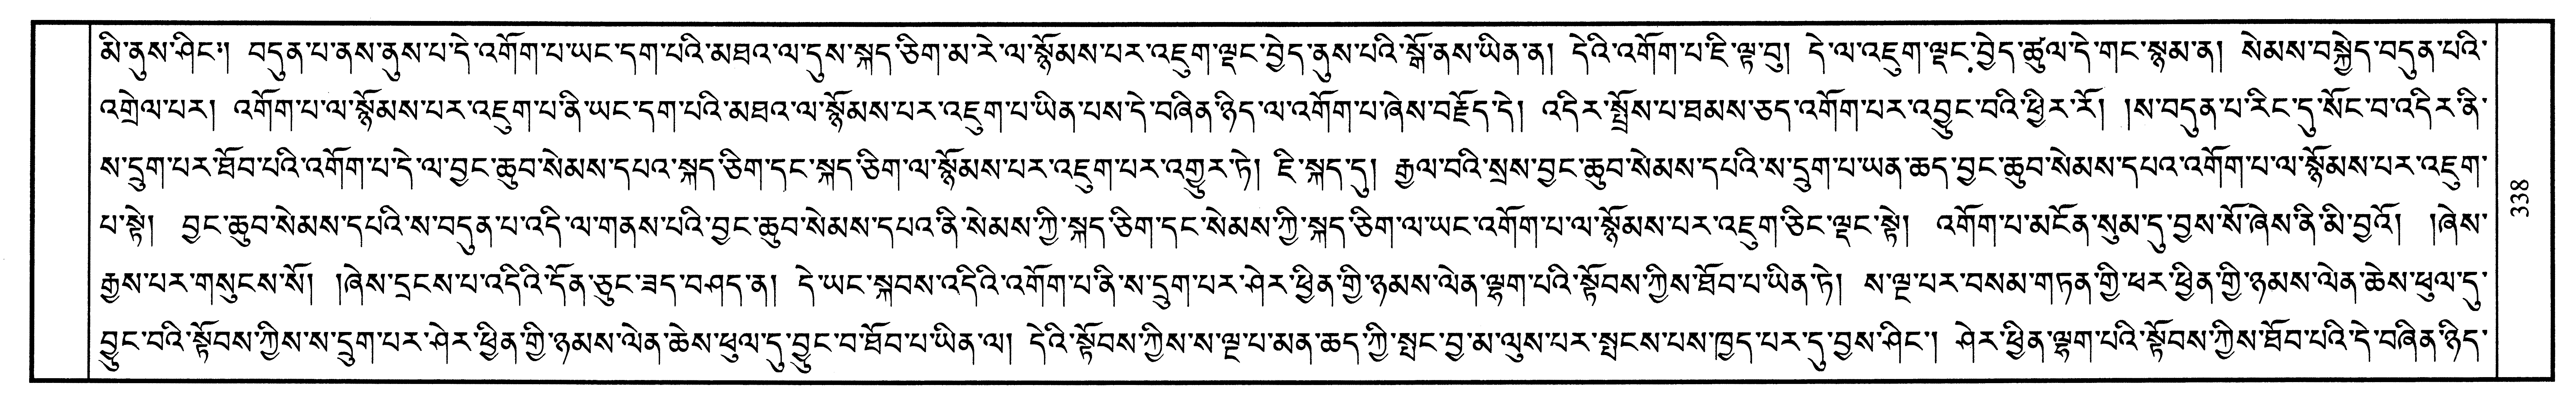མི་ནུས་ཤིང་། བདུན་པ་ནས་ནུས་པ་དེ་འགོག་པ་ཡང་དག་པའི་མཐའ་ལ་དུས་སྐད་ཅིག་མ་རེ་ལ་སྙོམས་པར་འཇུག་ལྡང་བྱེད་ནུས་པའི་སྒོ་ནས་ཡིན་ན། དེའི་འགོག་པ་ཇི་ལྟར་བུ། དེ་ལ་འཇུག་ལྡང་བྱེད་ཚུལ་དེ་གང་སྙམ་ན། སེམས་བསྐྱེད་བདུན་པའི་
འགྲེལ་པར། འགོག་པ་ལ་སྙོམས་པར་འཇུག་པ་ནི་ཡང་དག་པའི་མཐའ་ལ་སྙོམས་པར་འཇུག་པ་ཡིན་པས་དེ་བཞིན་ཉིད་ལ་འགོག་པ་ཞེས་བརྗོད་དེ། འདིར་སྤྲོས་པ་ཐམས་ཅད་འགོག་པར་འབྱུང་བའི་ཕྱིར་རོ། །ས་བདུན་པ་རིང་དུ་སོང་བ་འདིར་ནི་
ས་དྲུག་པར་ཐོབ་པའི་འགོག་པ་དེ་ལ་བྱང་ཆུབ་སེམས་དཔའ་སྐད་ཅིག་དང་སྐད་ཅིག་ལ་སྙོམས་པར་འཇུག་པར་འགྱུར་ཏེ། ཇི་སྐད་དུ། རྒྱལ་བའི་སྲས་བྱང་ཆུབ་སེམས་དཔའི་ས་དྲུག་པ་ཡན་ཆད་བྱང་ཆུབ་སེམས་དཔའ་འགོག་པ་ལ་སྙོམས་པར་འཇུག་
པ་སྟེ། བྱང་ཆུབ་སེམས་དཔའི་ས་བདུན་པ་འདི་ལ་གནས་པའི་བྱང་ཆུབ་སེམས་དཔའ་ནི་སེམས་ཀྱི་སྐད་ཅིག་དང་སེམས་ཀྱི་སྐད་ཅིག་ལ་ཡང་འགོག་པ་ལ་སྙོམས་པར་འཇུག་ཅིང་ལྡང་སྟེ། འགོག་པ་མངོན་སུམ་དུ་བྱས་སོ་ཞེས་ནི་མི་བྱའོ། །ཞེས་
རྒྱས་པར་གསུངས་སོ། །ཞེས་དྲངས་པ་འདིའི་དོན་ཅུང་ཟད་བཤད་ན། དེ་ཡང་སྐབས་འདིའི་འགོག་པ་ནི་ས་དྲུག་པར་ཤེར་ཕྱིན་གྱི་ཉམས་ལེན་ལྷག་པའི་སྟོབས་ཀྱིས་ཐོབ་པ་ཡིན་ཏེ། ས་ལྔ་པར་བསམ་གཏན་གྱི་ཕར་ཕྱིན་གྱི་ཉམས་ལེན་ཆེས་ཕུལ་དུ་
བྱུང་བའི་སྟོབས་ཀྱིས་ས་དྲུག་པར་ཤེར་ཕྱིན་གྱི་ཉམས་ལེན་ཆེས་ཕུལ་དུ་བྱུང་བ་ཐོབ་པ་ཡིན་ལ། དེའི་སྟོབས་ཀྱིས་ས་ལྔ་པ་མན་ཆད་ཀྱི་སྤང་བྱ་མ་ལུས་པར་སྤངས་པས་ཁྱད་པར་དུ་བྱས་ཤིང་། ཤེར་ཕྱིན་ལྷག་པའི་སྟོབས་ཀྱིས་ཐོབ་པའི་དེ་བཞིན་ཉིད་